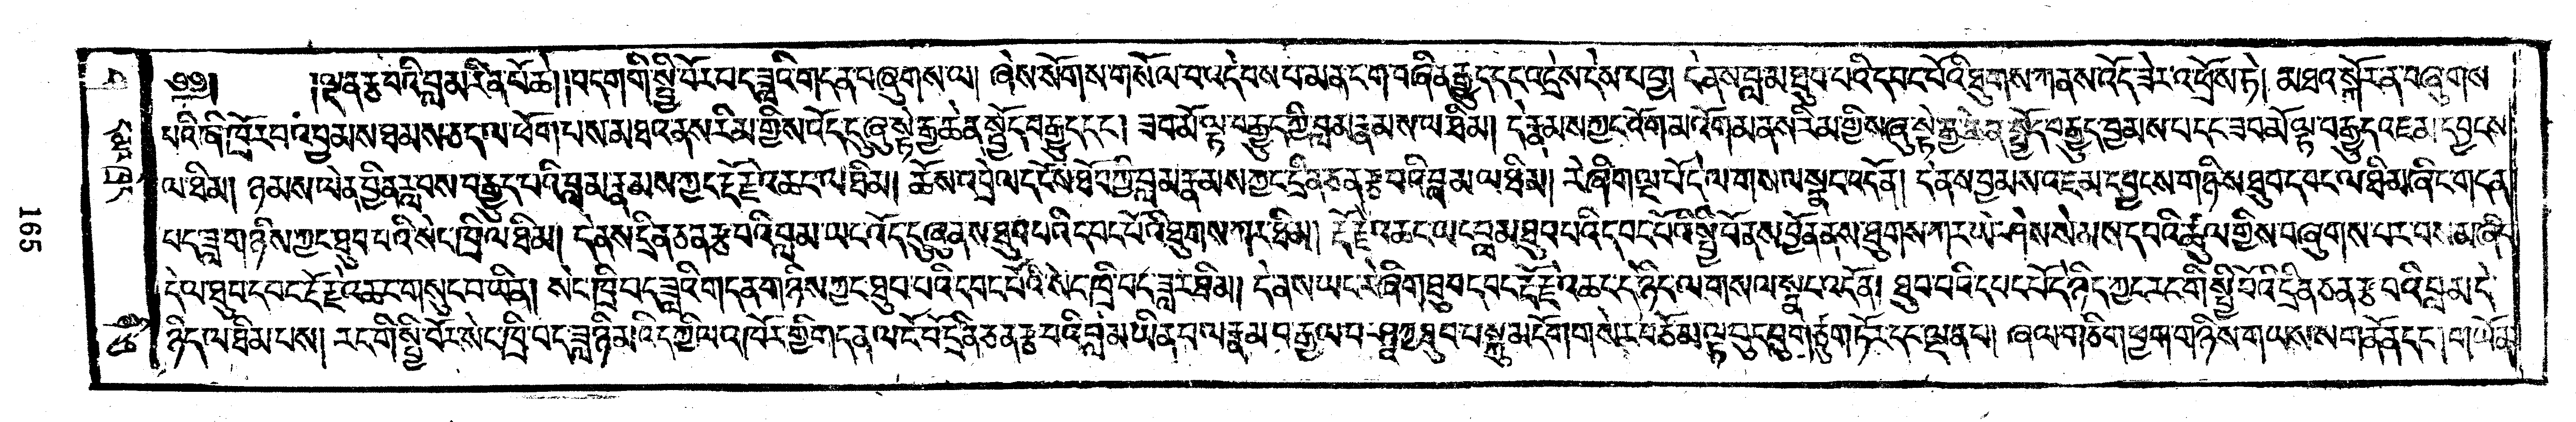༄༅། །ལྡན་རྩ་བའི་བླ་མ་རིན་པོ་ཆེ། །བདག་གི་སྤྱི་བོར་བད་ཟླའི་གདན་བཞུགས་ལ། ཞེས་སོགས་གསོལ་བ་འདེབས་པ་མན་ངག་བཞིན་རྒྱུད་དང་འདྲེས་དེས་པ་བྱ། དེ་ནས་བླ་མ་ཐུབ་པའི་དབང་པོའི་ཐུགས་ཀ་ནས་འོད་ཟེར་འཕྲོས་ཏེ། མཐའ་སྐོར་ན་བཞུགས་
པའི་ཞི་ཁྲོ་རབ་འབྱམས་ཐམས་ཅད་ལ་ཕོག་པས་མཐའ་ནས་རིམ་གྱིས་འོད་དུ་ཞུ་སྟེ་རྒྱ་ཆེན་སྤྱོད་བརྒྱུད་དང་། ཟབ་མོ་ལྟ་བརྒྱུད་ཀྱི་བླ་མ་རྣམས་ལ་ཐིམ། དེ་རྣམས་ཀྱང་འོག་མ་འོག་མ་ནས་རིམ་གྱིས་ཞུ་སྟེ་རྒྱ་ཆེན་སྤྱོད་བརྒྱུད་བྱམས་པ་དང་ཟབ་མོ་ལྟ་བརྒྱུད་འཇམ་དབྱངས་
ལ་ཐིམ། ཉམས་ལེན་བྱིན་རླབས་བརྒྱུད་པའི་བླ་མ་རྣམས་ཀྱང་རྡོ་རྗེ་འཆང་ལ་ཐིམ། ཆོས་འབྲེལ་དངོས་ཐོབ་ཀྱི་བླ་མ་རྣམས་ཀྱང་དྲིན་ཅན་རྩ་བའི་བླ་མ་ལ་ཐིམ། རེ་ཞིག་ལྔ་པོ་དེ་ལ་གསལ་སྣང་འདོན། དེ་ནས་བྱམས་འཇམ་དབྱངས་གཉིས་ཐུབ་དབང་ལ་ཐིམ་ཞིང་གདན་
པད་ཟླ་གཉིས་ཀྱང་ཐུབ་པའི་སེང་ཁྲིལ་ཐིམ། དེ་ནས་དྲིན་ཅན་རྩ་བའི་བླ་མ་ཡང་འོད་དུ་ཞུ་ནས་ཐུབ་པའི་དབང་པོའི་ཐུགས་ཀར་ཐིམ། རྡོ་རྗེ་འཆང་ཡང་བླ་མ་ཐུབ་པའི་དབང་པོའི་སྤྱི་བོ་ནས་བྱོན་ནས་ཐུགས་ཀར་ཡེ་ཤེས་སེམས་དཔའི་ཚུལ་གྱིས་བཞུགས་པར་བསམ་ཞིང་
དེ་ལ་ཐུབ་དབང་རྡོ་རྗེ་འཆང་གསུང་བ་ཡིན། སེང་ཁྲི་བད་ཟླའི་གདན་གཉིས་ཀྱང་ཐུབ་པའི་དབང་པོའི་སེང་ཁྲི་བད་ཟླར་ཐིམ། དེ་ནས་ཡང་རེ་ཞིག་ཐུབ་དབང་རྡོ་རྗེ་འཆང་དེ་ཉིད་ལ་གསལ་སྣང་འདོན། ཐུབ་པའི་དབང་པོ་དེ་ཉིད་ཀྱང་རང་གི་སྤྱི་བོའི་དྲིན་ཅན་རྩ་བའི་བླ་མ་དེ་
ཉིད་ལ་ཐིམ་པས། རང་གི་སྤྱི་བོར་སེང་ཁྲི་བད་ཟླ་ཉི་མའི་དཀྱིལ་འཁོར་གྱི་གདན་ལ་ངོ་བོ་དྲིན་ཅན་རྩ་བའི་བླ་མ་ཡིན་པ་ལ་རྣམ་བརྒྱལ་བ་ཤཱཀྱ་ཐུབ་པ་སྐུ་མདོག་གསེར་བཅོམ་ལྟ་བུ་དབུ་གཙུག་ཏོར་དང་ལྡན་པ། ཞལ་གཅིག་ཕྱག་གཉིས་གཡས་ས་གནོན་དང་། གཡོན་